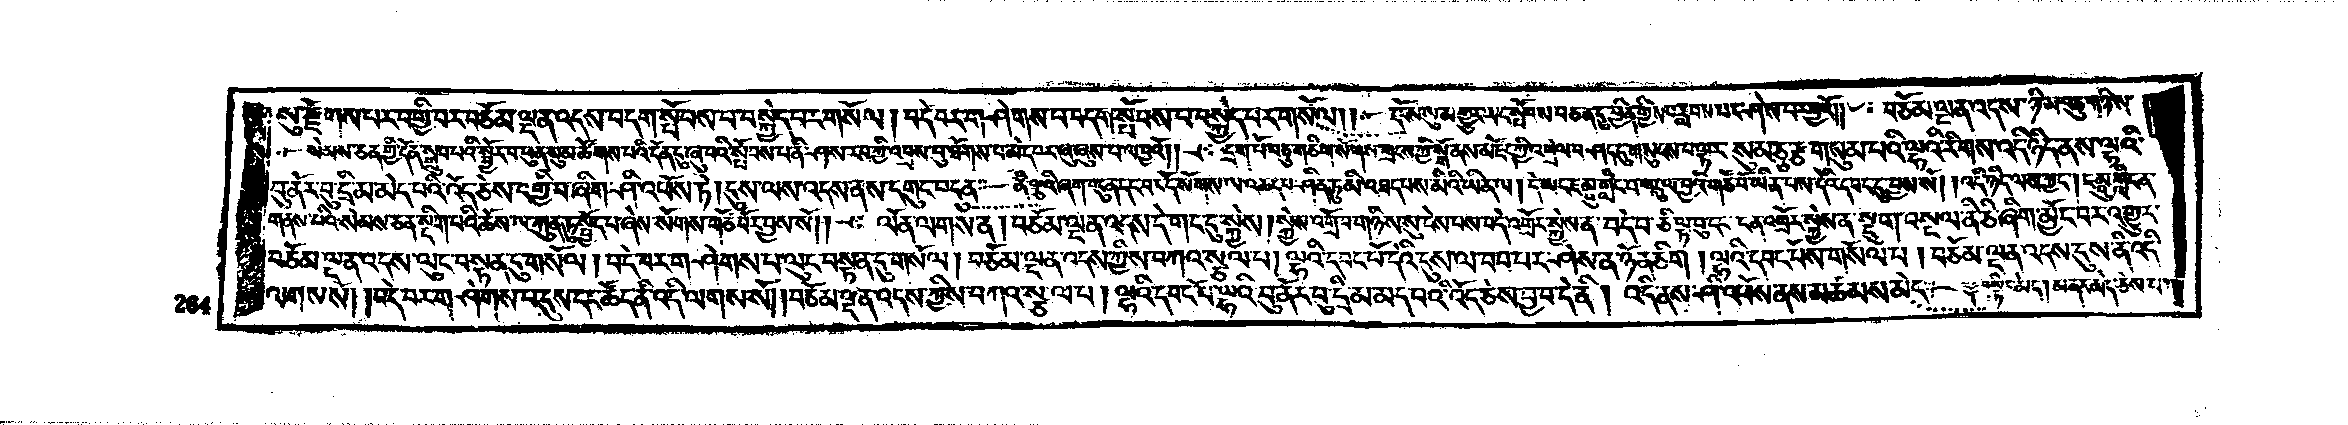སུ་རྫོགས་པར་བགྱི་བར་བཅོམ་ལྡན་འདས་བདག་སྤོབས་པ་བསྐྱེད་པར་གསོལ། བདེ་བར་གཤེགས་པ་བདག་སྤོབས་པ་བསྐྱེད་པར་གསོལ། །དངོས་སུ་མ་གྱུར་ཡང་སྤོབས་པ་ཅན་དུ་བྱིན་གྱིས་བརླབས་པར་ཤེས་པར་བྱའོ་བཅོམ་ལྡན་འདས་ཉི་མ་བཅུ་གཉིས་
སེམས་ཅན་གྱི་དོན་སྒྲུབ་པའི་སྦྱོར་བ་ཕུན་སུམ་ཚོགས་པའི་དོན་དུ་ཞུ་བའི་སྤོབས་པ་ནི་ཤེས་རབ་ཀྱི་འབྲས་བུ་ཐོགས་པ་མེད་པར་ཞུ་ཞུས་པ་ལ་བྱའོ། །དྲག་པོ་བཅུ་གཅིག་སོགས་གྲངས་ཀྱི་སྒོ་ནས་མཛོད་ཀྱི་འགྲེལ་བཤད་དུ་གསུངས་པ་ལྟར་སུམ་ཅུ་རྩ་གསུམ་པའི་ལྷའི་རིགས་འདི་ཉིད་ནས་ལྷའི་
བུ་ནོར་བུ་དྲི་མ་མེད་པའི་འོད་ཅེས་བགྱི་བ་ཞིག་ཤི་འཕོས་ཏེ། དུས་ལས་འདས་ནས་དགུང་བདུན་ནི་ལྷའི་ཞག་བདུན་དང་བར་དོ་སོགས་ལ་འཆད་པ་ཤིན་ཏུ་མི་འཐད་པས་མིའི་ཡིན་ལ། དེ་ཡང་ཛམྤུ་གླིང་བ་གདུལ་བྱའི་གཙོ་བོ་ཡིན་པས་དེའི་དབང་དུ་བྱས་སོ། །འདི་ཉིད་ལས་ཀྱང་། ཛམྤུ་གླིང་ན་
གནས་པའི་སེམས་ཅན་སྡིག་པའི་ཆོས་ལ་ཀུན་ཏུ་སྤྱོད་པ་ཞེས་སོགས་གཙོ་བོར་བྱས་སོ།།.Hལོན་ལགས་ན། བཅོམ་ལྡན་འདས་དེ་གང་དུ་སྐྱེསསྐྱེས་འགྲོ་བ་གཉིས་སུ་ངེས་པས་བདེ་འགྲོར་སྐྱེས་ན་བདེ་བ་ཅི་ལྟ་བུ་དང་ངན་འགྲོར་སྐྱེས་ན་སྡུག་བསྔལ་ནི་ཅི་ཞིག་མྱོང་བར་འགྱུར་
བཅོམ་ལྡན་འདས་ལུང་བསྟན་དུ་གསོལ། བདེ་བར་གཤེགས་པ་ལུང་བསྟན་དུ་གསོལ། བཅོམ་ལྡན་འདས་ཀྱིས་བཀའ་སྩལ་པ། ལྷའི་དབང་པོ་དེའི་དུས་ལ་བབ་པར་ཤེས་ན་ཉོན་ཅིག །ལྷའི་དབང་པོས་གསོལ་པ། བཅོམ་ལྡན་འདས་དུས་ནི་འདི་
ལགས་སོ། །བདེ་བར་གཤེགས་པ་དུས་དང་ཆོད་ནི་འདི་ལགས་སོ། །བཅོམ་ལྡན་འདས་ཀྱིས་བཀའ་སྩལ་པ། ལྷའི་དབང་པོ་ལྷའི་བུ་ནོར་བུ་དྲི་མ་མེད་པའི་འོད་ཅེས་བྱ་བ་དེ་ནི། འདི་ནས་ཤི་འཕོས་ནས་མཚམས་མེད་༈ བསྟིང་མེད། མནར་མེད་ཅེས་པ།